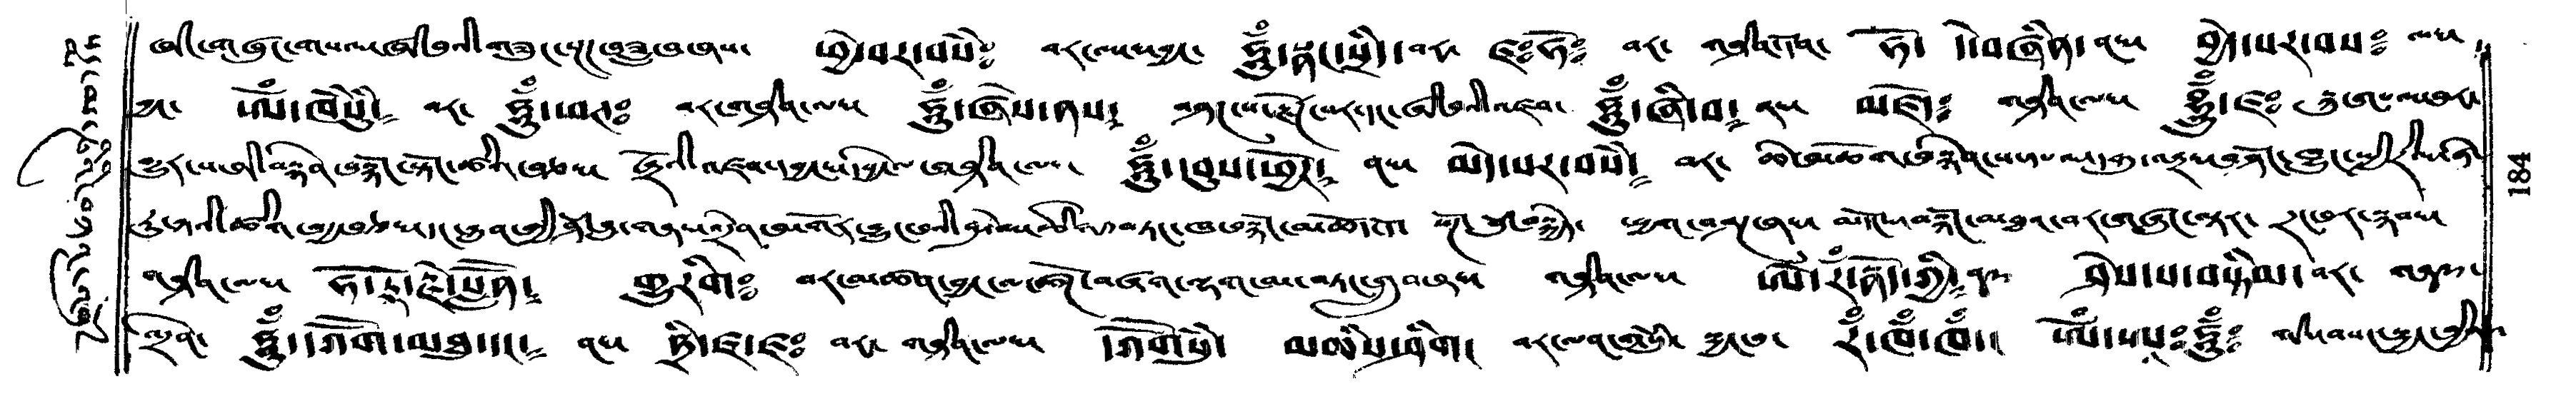ཞིང་གཞུང་གསལ་ཞི་བའི་གཟུངས་སྔགས་ཟློ་བ་ནས། ཕྱེ་བར་བསམ༔ བར་ལས་བྱང་། ཧཱུྃ༔ སྣང་སྲིད༴ ནས། ཛཿཧོ༔ བར། གཤིན་དོན། ཧོ༔ དེ་བཞིན༴ ནས། བྱེད་པར་བསམ། ལས་
བྱང་། ཨོཾ༔ ཁམས་གསུམ༴ ནས། ཧཱུྃ་ཕཊ༔ བར། གཤིན་ལས། ཧཱུྃ༔ ཞེས་ནས༴ བཤགས་པ་རྫོགས་པར་དང་ཞི་བའི་འཛབ། ཧཱུྃ༔ ཞི་བ༴ ནས། མཛོད༔ གཤིན་ལས། བྷྲུྃ་ཛ༴ སྐུ་གསལ་བར་
གྱུར་པ་ནི་སྙེན་སྐོང་སྟོང་ཚིག་བཅས། ཁྲོ་བོའི་འཛབ་དབྱངས་དབྱེ་ལ།གཤེིན་ལས། ཧཱུྃ༔ དབུས་ཕྱོགས༴ ནས། མེད་པར་བསམ། བར། ཆེ་མཆོག་སྙེན་པ་དཔལ་དགུ་འབྲེལ་གཤམ། ཁྱུང་། སྤྱི་དྲིལ། ཧེ་
རུ་ཀའི་ཡིག་བརྒྱ་བཅས་དང་ཀུན་གྱི་གཤམ་བུ་གནས་འདྲེན་མགོར་བྱུང་བའི་སྤེལ་ཚིག་བཏང་ཁ་སྐོང་མཆོད་བསྟོད་སོགས། བུམ་སྐྱེད། ཕྱག་བཤགས་ནས། མདངས་སྐོང་མཐའ་བར་གཞུང་ལྟར། དྲང་བའི་སྐབས་
གཤིན་ལས། ཧོ༔ རྡོ་རྗེ་སློབ་དཔོན༴ གྱུར་ཅིག༔ བར་མཚན་བྱང་ལ་ཚོགས་གཞག ལྷག་མ་བཏང་གྲུབ་ནས། གཤིན་ལས། ཨེ་རྃ་སྣོད་ཀྱི༴ ནས། ཤེས་པ་བསྟིམ༔ བར། གནས་
འདྲེན། ཧཱུྃ༔ དཀོན་མཆོག་མཐུ་དང་༴ ནས། ནྲི་ཛ་ཛ༔ བར། དཀོན་མཆོག་གསུམ༴ མཆིས་ཤིག༔ བར་ལན་གསུམ། སྦྱང་བ། རྃ་ཁྃ་ཁྃ༔ ཨོཾ་ཨཱཿཧཱུྃ༔ གིས་བསང་སྦྱང་བྱིན་